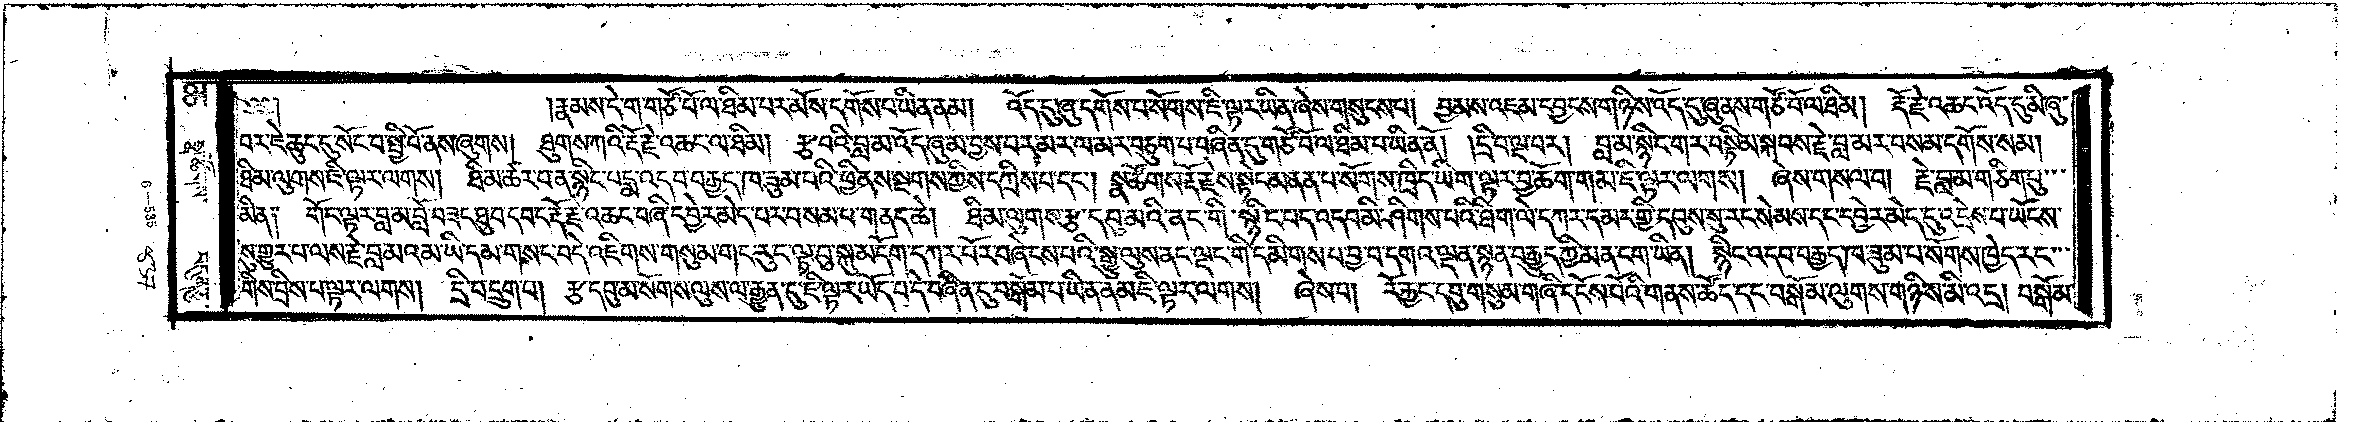༄༅། །རྣམས་དེ་ག་གཙོ་བོ་ལ་ཐིམ་པར་མོས་དགོས་པ་ཡིན་ནམ། འོད་དུ་ཞུ་དགོས་པ་སོགས་ཇི་ལྟར་ཡིན་ཞེས་གསུངས་པ། བྱམས་འཇམ་དབྱངས་གཉིས་འོད་དུ་ཞུ་ནས་གཙོ་བོ་ལ་ཐིམ། རྡོ་རྗེ་འཆང་འོད་དུ་མི་ཞུ་
བར་ཇེ་ཆུང་དུ་སོང་བ་སྤྱི་བོ་ནས་ཞུགས། ཐུགས་ཀའི་རྡོ་རྗེ་འཆང་ལ་ཐིམ། རྩ་བའི་བླ་མ་འོད་ཞུ་མ་བྱས་པར་མར་ལ་མར་བཅུག་པ་བཞིན་དུ་གཙོ་བོ་ལ་ཐིམ་པ་ཡིན་ནོ། །དྲི་བ་ལྔ་པར། བླ་མ་སྙིང་གར་བསྟིམ་སྐབས་རྗེ་བླ་མར་བསམ་དགོས་སམ།
ཐིམ་ལུགས་ཇི་ལྟར་ལགས། ཐིམ་ཚར་བ་ན་སྙིང་པདམ་འདབ་བརྒྱད་ཁ་ཟུམ་པའི་ཕྱི་ནས་སྔགས་ཀྱིས་དཀྲིས་པ་དང་། སྣ་ཚོགས་རྡོ་རྗེས་སྟེང་མནན་པ་སོགས་ཁྲིད་ཡིག་ལྟར་བྱ་ཆོག་གམ་ཇི་ལྟར་ལགས། ཞེས་གསལ་བ། རྗེ་བླ་མ་གཅིག་པུ་
མིན༑ གོང་ལྟར་བླ་མ་བློ་བཟང་ཐུབ་དབང་རྡོ་རྗེ་འཆང་བཞི་དབྱེར་མེད་པར་བསམ་པ་གནད་ཆེ། ཐིམ་ལུགས་རྩ་དབུ་མའི་ནང་གི་སྙིང་པད་འདབ་མི་ཤིགས་པའི་ཐིག་ལེ་དཀར་དམར་གྱི་དབུས་སུ་རང་སེམས་དང་དབྱེར་མེད་དུ་འདྲེས་པ་ཡོངས་
སུ་གྱུར་པ་ལས་རྗེ་བླ་མའམ་ཡི་དམ་གསང་བདེ་འཇིགས་གསུམ་གང་རུང་ལྟ་བུ་སྐུ་མདོག་དཀར་པོར་བཞེངས་པའི་སྒྱུ་ལུས་ནང་ལྡང་གི་དམིགས་པ་བྱ་བ་དགའ་ལྡན་སྙན་བརྒྱུད་ཀྱི་མན་ངག་ཡིན། སྙིང་འདབ་བརྒྱད་ཁ་ཟུམ་པ་སོགས་ཁྱེད་རང་
གིས་བྲིས་པ་ལྟར་ལགས། དྲི་བ་དྲུག་པ། རྩ་དབུ་མ་སོགས་ལུས་ལ་རྒྱུན་དུ་ཇི་ལྟར་ཡོད་པ་དེ་བཞིན་དུ་བསྒོམ་པ་ཡིན་ནམ་ཇི་ལྟར་ལགས། ཞེས་པ། རོ་རྐྱང་དབུ་གསུམ་གཞི་དངོས་པོའི་གནས་ཚོད་དང་བསྒོམ་ལུགས་གཉིས་མི་འདྲ། བསྒོམ་